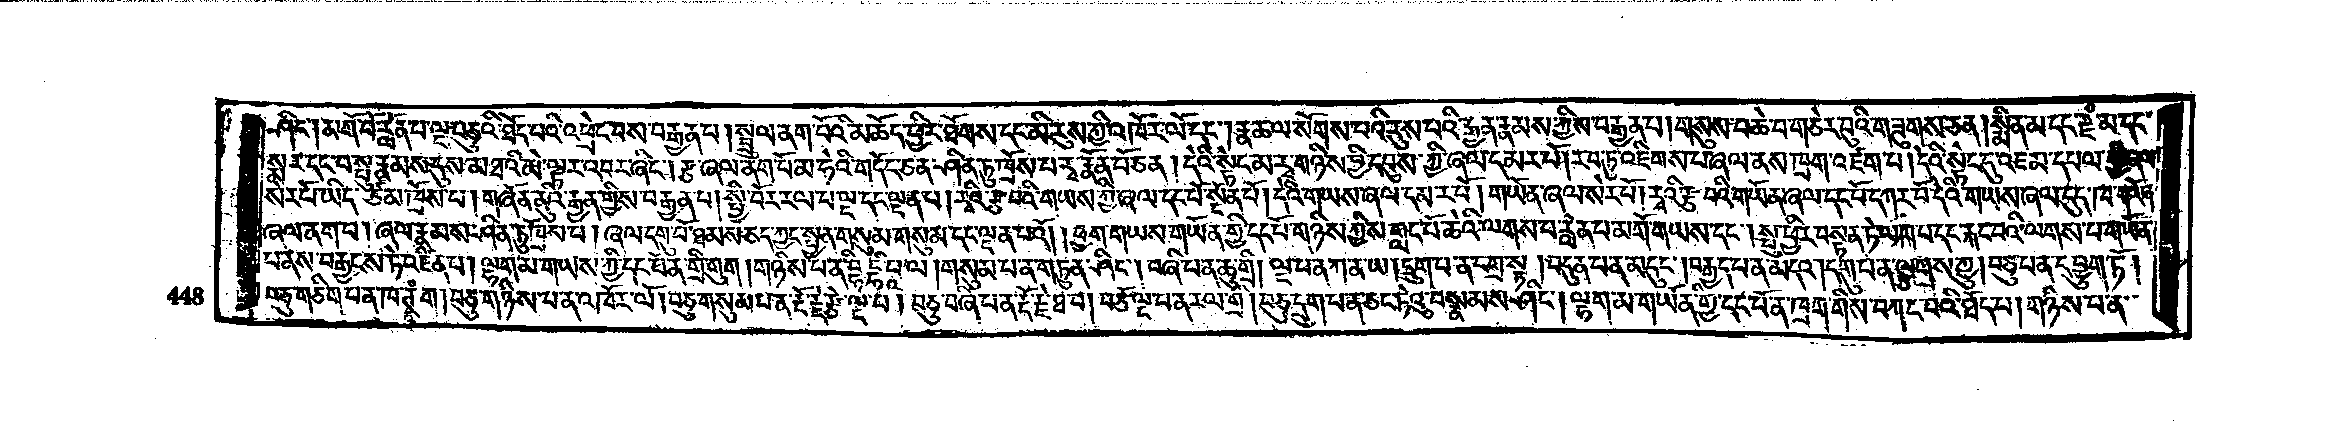ཤིང་། མགོ་བོ་རློན་པ་ལྔ་བཅུའི་ཐོད་པའི་འཕྲེང་བས་བརྒྱན་པ། སྦྲུལ་ནག་པོའི་མཆོད་ཕྱིར་ཐོགས་དང་མི་རུས་ཀྱི་འཁོར་ལོ་དང་། རྣ་ཆ་ལ་སོགས་པའི་རུས་པའི་རྒྱན་རྣམས་ཀྱིས་བརྒྱན་པ། གསུས་བྖེ་བ་གཅེར་བུའི་གཟུགས་ཅན། སྨིན་མ་དང་རྫ་མ་དང་
སྨར་དང་བ་སྤུ་རྣམས་དུས་མཐའི་མེ་ལྟར་འབར་ཞིང་། རྩ་ཞལ་ནག་པོ་མ་ཧེའི་གདོང་ཅན་ཤིན་དུ་ཁྲོས་པ་རྭ་རྣོན་པོ་ཅན། དེའི་སྟེང་མ་རྭ་གཉིས་བྱི་དབུས་ཀྱི་ཞལ་དམར་པོ། རབ་ཏུ་འཇིགས་པ་ཞལ་ནས་ཁྲག་འཛག་པ། དེའི་སྟེང་དུ་འཛམ་དཔལ་གྱི་ཞལ་
སེར་པོ་ཡོད་ཙམ་ཁྲོས་པ། གཞན་ནུའི་རྒྱན་གྱིས་བརྒྱན་པ། སྤྱི་བོར་རལ་པ་ལྔ་དང་ལྡན་པ། རྭའི་རྩ་བའི་གཡས་ཀྱི་ཞལ་དང་པོ་སྔོན་པོ། དེའི་གཡས་ཞལ་དམར་པོ། གཡོན་ཞལ་སེར་པོ། རྔའི་རྭའི་རྩ་བའི་གཡོན་ཞལ་དང་པོ་དཀར་པོ་དའི་གཡས་ཞལ་དུད་ཁ་གཡོན་
ཞལ་ནག་པོ། ཞལ་རྣམས་ཤིན་ཏུ་ཁྲོས་པ། ཞལ་དགུ་པོ་ཐམས་ཅད་ཀྱང་སྤྱན་གསུམ་གསུམ་དང་ལྡན་པའོ། །ཕྱག་གཡས་གཡོན་གྱི་དང་པོ་གཉིས་ཀྱིས་གླང་པོ་ཆེའི་པགས་པ་རླེན་པ་མགོ་གཡས་དང་། སྤུ་ཕྱིར་བསྟན་ཏེ་ལག་པ་དང་རྐང་བའི་ལགས་པ་གཡོན་
པ་ནས་བརྒྱངས་ཏེ་འཛིན་པ། ལྷག་མ་གཡས་ཀྱི་དང་པོ་ན་གྲི་གུག །གཉིས་པ་ནི་བྷི་དྷི་པཱ་ལ། གསུམ་པ་ན་གཏུན་ཤིང་། བཞི་པ་ན་ཆུ་གྲི། ལྔ་པ་ན་ཀ་ན་ཡ། དྲུག་པ་ན་དགྲ་སྟེ། བདུན་པ་ན་མདུང་། བརྒྱད་པ་ན་མདའ། དགུ་པ་ན་ལྕགས་ཀྱུ། བཅུ་པ་ན་དབྱུག་ཏོ།
བཅུ་གཅིག་པ་ན་ཁ་ཊྭཱཾ་ག། བཅུ་གཉིས་པ་ན་འཁོར་ལོ། བཅུ་གསུམ་པ་ན་རྡོ་རྗེ་རྩེ་ལྔ་པ། བཅུ་བཞི་པ་ན་རྡོ་རྗེ་ཐོ་བ། བཅོ་ལྔ་པ་ན་རལ་གྲི། བཅུ་དྲུག་པ་ན་ཅང་ཏེའུ་བསྣམས་ཤིང་། ལྷག་མ་གཡོན་གྱི་དང་པོ་ན་ཁྲག་གིས་བཀང་བའི་ཐོད་པ། གཉིས་པ་ན་